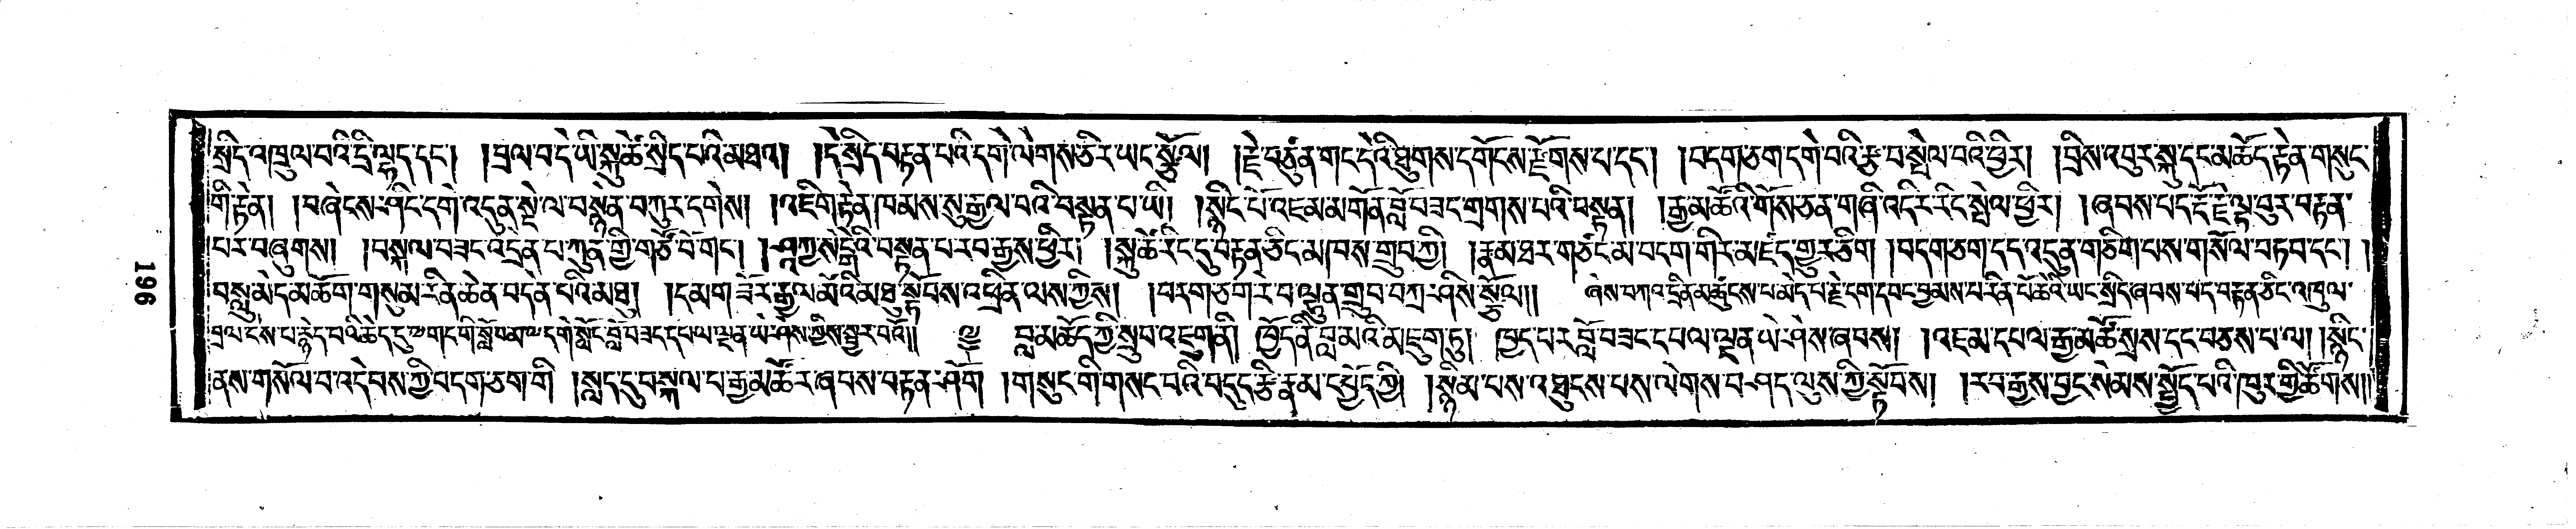སྲིད་འཁྲུལ་བའི་དྲི་ལྷད་དང་། །བྲལ་བ་དེ་ཡི་སྐུ་ཚེ་སྲིད་པའི་མཐའ། །དེ་སྲིད་བརྟན་པའི་དགེ་ལེགས་ཅིར་ཡང་སྩོལ། །རྗེ་བཙུན་གང་དེའི་ཐུགས་དགོངས་རྫོགས་པ་དང་། །བདག་ཅག་དགེ་བའི་རྩ་པ་སྤེལ་པའི་ཕྱིར། །བྲིས་འབུར་སྐུ་དང་མཆོད་རྟེན་གསུང་
གི་རྟེན། །བཞེངས་ཤིང་དགེ་འདུན་སྡེ་ལ་བསྙེན་བཀུར་དགེས། །འཇིག་རྟེན་ཁམས་སུ་རྒྱལ་པའི་བསྟན་པ་ཡི། །སྙིང་པོ་འཇམ་མགོན་བློ་བཟང་གྲགས་པའི་བསྟན། །རྒྱ་མཚོའི་གོས་ཅན་གཞི་འདིར་རིང་སྤེལ་ཕྱིར། །ཞབས་པད་རྡོ་རྗེ་ལྟ་བུར་བརྟན་
པར་བཞུགས། །བསྐལ་བཟང་འདྲེན་པ་ཀུན་གྱི་གཙོ་བོ་གང་། །ཤཱཀྱ་སེངྒེའི་བསྟན་པ་རབ་རྒྱས་ཕྱིར། །སྐུ་ཚེ་རིང་དུ་བརྟན་ཅིང་མཁས་གྲུབ་ཀྱི། །རྣམ་ཐར་གཙང་མ་བདག་གིར་མཛད་དུ་གྱུར་ཅིག །བདག་ཅག་དད་འདུན་གཅིག་པས་གསོལ་བཏབ་དང་། །
བསླུ་མེད་མཆོག་གསུམ་རིན་ཆེན་བདེན་པའི་མཐུ། །དམག་ཟོར་རྒྱལ་མོའི་མཐུ་སྟོབས་འཕྲིན་ལས་ཀྱིས། །བདག་ཅག་རེ་བ་ལྷུན་གྲུབ་བཀྲ་ཤིས་སྩོལ།། ཞེས་བཀའ་དྲིན་མཚུངས་པ་མེད་པ་རྗེ་དག་དབང་བྱམས་པ་རིན་པོ་ཆེའི་ཡང་སྲིད་ཞབས་པད་བརྟན་ཅིང་འཁུལ་
བྲལ་ངེས་པ་རྙེད་པའི་ཆེད་དུ་༈ གང་གི་སློབ་མ་༈ དགེ་སློང་བློ་བཟང་དཔལ་ལྡན་ཡེ་ཤེས་ཀྱིས་སྦྱར་བའོ།། ༈ བླ་མཆོད་ཀྱི་སྲུབ་འཇུག་ནི། ཁྱོད་ནི་བླ་མའི་མཇུག་ཏུ། ཁྱད་པར་བློ་བཟང་དཔལ་ལྡན་ཡེ་ཤེས་ཞབས། །འཇམ་དཔལ་རྒྱ་མཚོ་སྲས་དང་བཅས་པ་ལ། །སྙིང་
ནས་གསོལ་བ་འདེབས་ཀྱི་བདག་ཅག་གི །སླད་དུ་བསྐལ་པ་རྒྱ་མཚོར་ཞབས་བརྟན་ཤོག །གསུང་གི་གསང་བའི་བདུད་རྩི་རྣམ་དཔྱོད་ཀྱི། །སྙིམ་པས་འཐུངས་པས་ལེགས་བཤད་ལུས་ཀྱི་སྟོབས། །རབ་རྒྱས་བྱང་སེམས་སྤྱོད་པའི་ཁུར་གྱི་ཚོགས། །